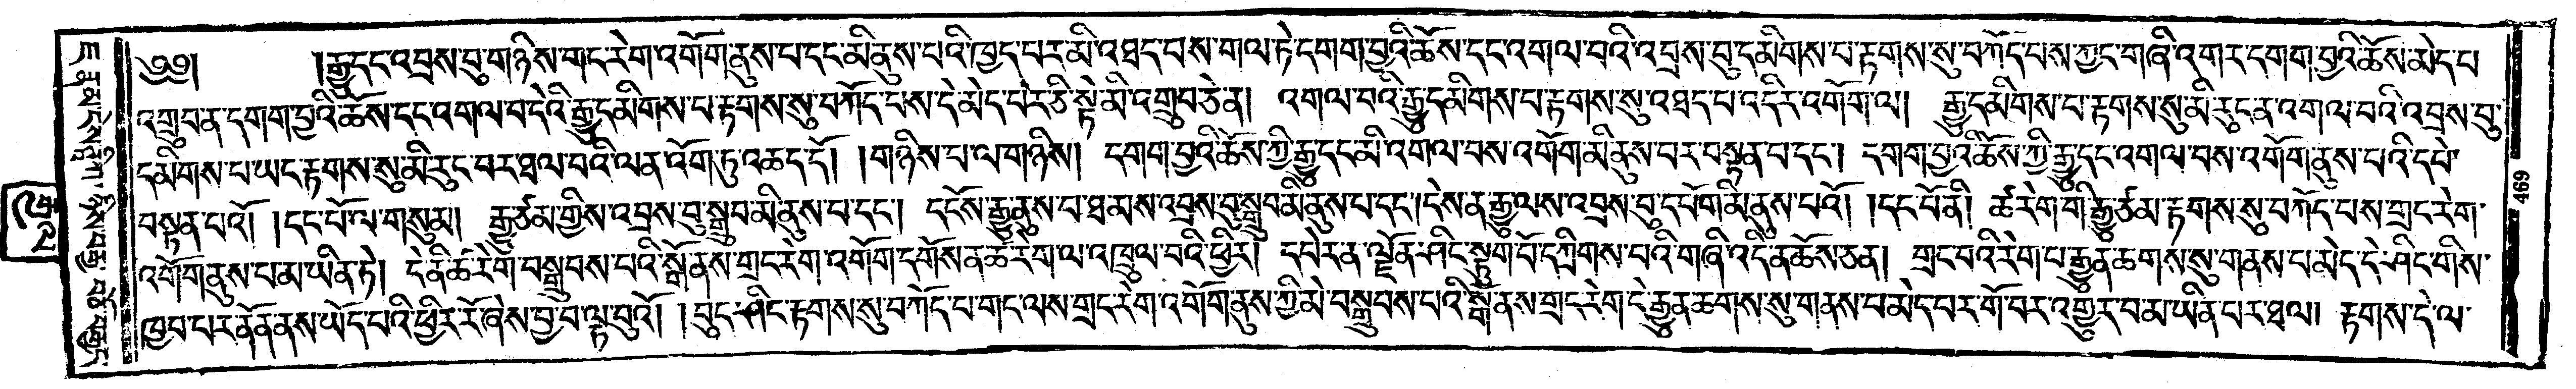༄༅། །རྒྱུ་དང་འབྲས་བུ་གཉིས་གང་རེག་འགོག་ནུས་པ་དང་མི་ནུས་པའི་ཁྱད་པར་མི་འཐད་པས་གལ་ཏེ་དགག་བྱའི་ཆོས་དང་འགལ་བའི་འབྲས་བུ་དམིགས་པ་རྟགས་སུ་བཀོད་པས་ཀྱང་གཞི་འགར་དགག་བྱའི་ཆོས་མེད་པ་
འགྲུབ་ན་དགག་བྱའི་ཆོས་དང་འགལ་བ་དེའི་རྒྱུ་དམིགས་པ་རྟགས་སུ་བཀོད་པས་དེ་མེད་པར་ཅི་སྟེ་མི་འགྲུབ་ཅེ་ན། འགལ་བའི་རྒྱུ་དམིགས་པ་རྟགས་སུ་འཐད་པ་འདིར་འགོག་ལ། རྒྱུ་དམིགས་པ་རྟགས་སུ་མི་རུང་ན་འགལ་བའི་འབྲས་བུ་
དམིགས་པ་ཡང་རྟགས་སུ་མི་རུང་བར་ཐལ་བའི་ལན་འོག་ཏུ་འཆད་དོ། །གཉིས་པ་ལ་གཉིས། དགག་བྱའི་ཆོས་ཀྱི་རྒྱུ་དང་མི་འགལ་བས་འགོག་མི་ནུས་པར་བསྟན་པ་དང་། དགག་བྱའི་ཆོས་ཀྱི་རྒྱུ་དང་འགལ་བས་འགོག་ནུས་པའི་དཔེ་
བསྟན་པའོ། །དང་པོ་ལ་གསུམ། རྒྱུ་ཙམ་གྱིས་འབྲས་བུ་སྒྲུབ་མི་ནུས་པ་དང་། དངོས་རྒྱུ་ནུས་པ་ཐ་མས་འབྲས་བུ་སྒྲུབ་མི་ནུས་པ་དང་། དེས་ན་རྒྱུ་ལས་འབྲས་བུ་དཔོག་མི་ནུས་པའོ། །དང་པོ་ནི། ཚ་རེག་གི་རྒྱུ་ཙམ་རྟགས་སུ་བཀོད་པས་གྲང་རེག་
འགོག་ནུས་པ་མ་ཡིན་ཏེ། དེ་ནི་ཚ་རེག་བསྒྲུབས་པའི་སྒོ་ནས་གྲང་རེག་འགོག་དགོས་ན་ཚ་རེག་ལ་འཁྲུལ་བའི་ཕྱིར། དཔེར་ན་ལྗོན་ཤིང་སྟུག་པོ་དཀྲིགས་པའི་གཞི་འདི་ན་ཆོས་ཅན། གྲང་བའི་རེག་པ་རྒྱུན་ཆགས་སུ་གནས་པ་མེད་དེ་ཤིང་གིས་
ཁྱབ་པར་ནོན་ནས་ཡོད་པའི་ཕྱིར་རོ་ཞེས་བྱ་བ་ལྟ་བུའོ། །བུད་ཤིང་རྟགས་སུ་བཀོད་པ་གང་ལས་གྲང་རེག་འགོག་ནུས་ཀྱི་མེ་བསྒྲུབས་པའི་སྒོ་ནས་གྲང་རེག་དེ་རྒྱུན་ཆགས་སུ་གནས་པ་མེད་པར་གོ་བར་འགྱུར་བ་མ་ཡིན་པར་ཐལ། རྟགས་དེ་ལ་